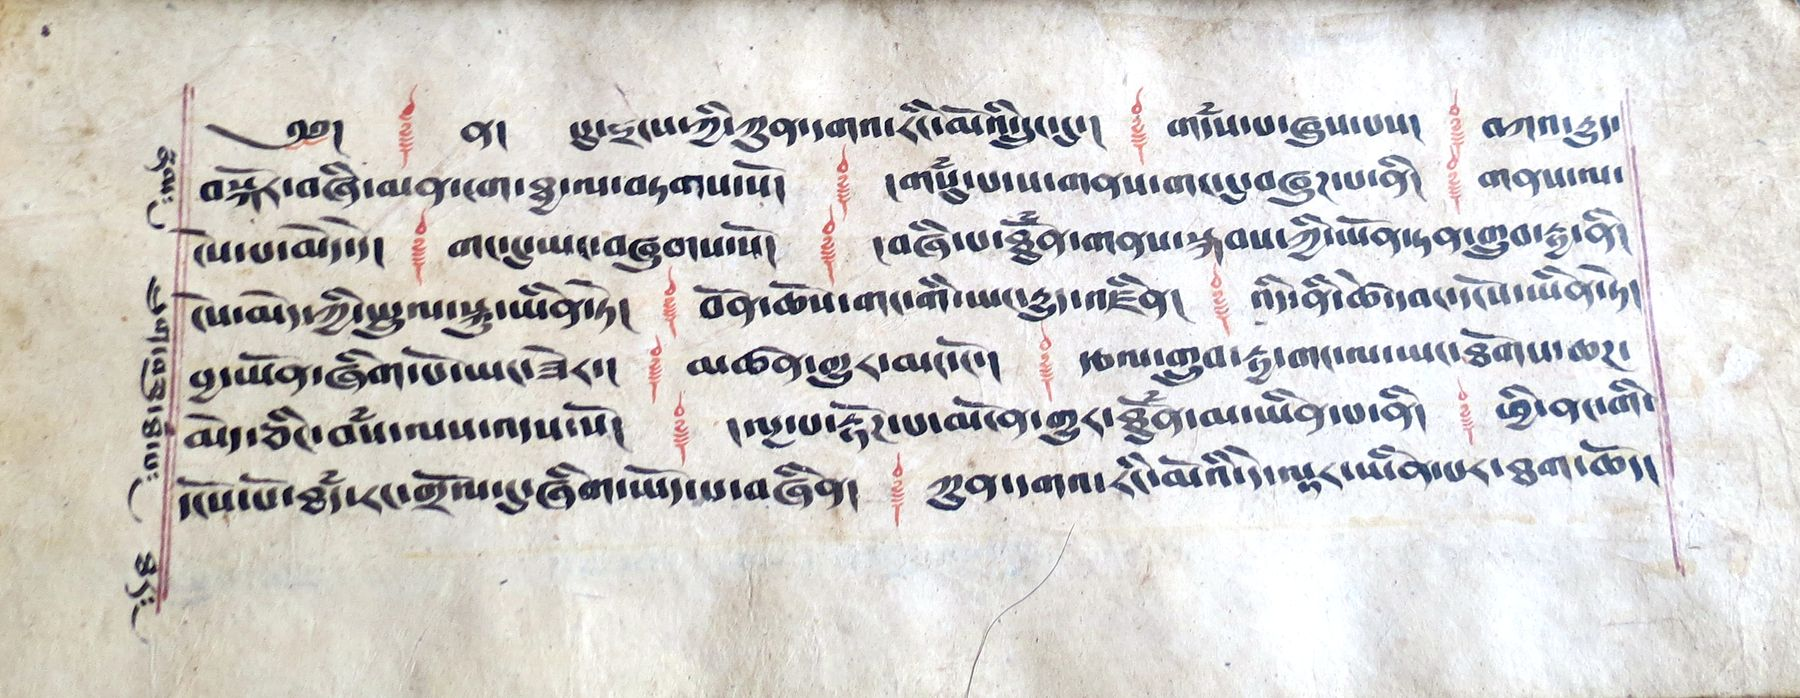ན། པུ་ཧྲང་གི་ཀུན་དགའ་རིང་མོའི་དྲུང་དུ་གདམས་པ་ཞུས་པས། བཀའ་རྒྱུད་
སྐོར་བཞི་མན་ངག་ཐུགས་ལ་བཏགས་སོ། ། གསུམ་པ་ས་གནས་ཁྱད་པར་ཅན་གང་དུ་བཞུགས་པ་ནི། གནས་ལ་
ངེས་པ་མེད་དེ་གང་དུ་ཡང་བཞུགས་སོ། ། བཞི་པ་ཐུན་མོང་དང་གནས་སྐབས་ཀྱི་ཡོན་ཏན་གྲུབ་རྟགས་ནི། 
ངེས་མེད་ཀྱི་སྤྲུལ་སྐུ་ཡིན་ཏེ། བོན་ཆོས་གང་གི་ཡང་རྒྱུད་འཛིན། འདི་ནི་ཚེ་དབང་དངོས་ཡིན་ཏེ། 
བྱ་ཡོན་ཞིག་པོ་ཡང་ཟེར། མཚན་འགྱུར་མང་ངོ། ། རྩལ་གྲུབ་རྟགས་གང་ལ་ཡང་ཐོགས་ཆགས་
མེད་ཅིང་བསམ་ལས་འདས་སོ། ། ལྔ་པ་རྟོགས་པ་མངོན་གྱུར་ཐུན་མོང་མ་ཡིན་པ་ནི། ཕྱི་ནང་གི་
དངོས་པོ་ཐམས་ཅད་རང་གྲོལ་དུ་ཞིག་པ་བཞིན། ཀུན་དགའ་རིང་མོས་དེ་ལྟར་ཡིན་པར་ཐག་ཆོད། །